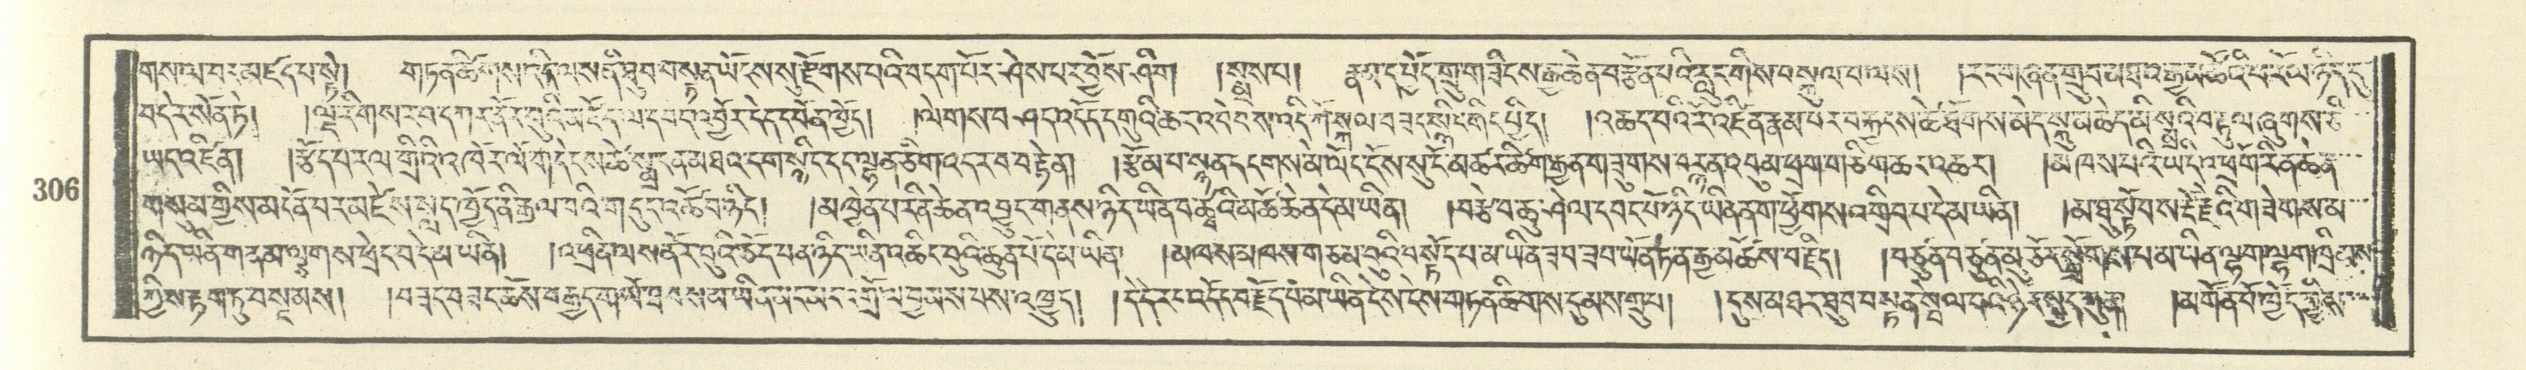གསལ་བར་མཛད་པ་སྟེ། གཏན་ཚིགས་འདི་ལས་ནི་ཐུབ་བསྟན་ཡོངས་སུ་རྫོགས་པའི་བདག་པོར་ཤེས་པར་བྱོས་ཤིག །སྨྲས་པ། རྣམ་དཔྱོད་གྲུ་གཟིངས་རྒྱ་ཆེན་བརྩོན་པའི་རླུང་གིས་བསྐུལ་བ་ལས། །རང་གཞན་གྲུབ་མཐའ་རྒྱ་མཚོའི་ཕ་རོལ་ཉིད་དུ་
བདེར་སོན་ཏེ། །ལྔ་རིགས་རབ་དཀར་ནོར་བུའི་མཛོད་ལ་དབང་འབྱོར་དེད་དཔོན་ཁྱོད། །ལེགས་བཤད་འདོད་དགུའི་ཆར་འབེབས་འདི་ཀོ་སྐལ་བཟང་སྙིང་གི་དཔྱིད། །འཆད་པའི་རོ་འཛིན་རྣམ་པར་བརྐྱངས་ཚེ་ཐོགས་མེད་སྐུ་མཆེད་མི་སྨྲའི་བརྟུལ་ཞུགས་ཅི་
ཡང་འཛིན། །རྩོད་པ་རལ་གྲིའི་འཁོར་ལོ་གདེངས་ཚེ་སྨྲ་ངན་མཐའ་དག་སྙིང་དང་ལྷན་ཅིག་འདར་བ་བརྟེན། །རྩོམ་པ་སྙན་དངགས་མ་ལོང་ངོས་སུ་ངོ་མཚར་ཚིག་རྒྱན་གཟུགས་བརྙན་འབུམ་ཕྲག་གཅིག་ཆར་འཆར། །མཁས་པའི་ཡིད་འཕྲོག་རིན་ཆེན་
གསུམ་གྱིས་མངོན་པར་མཛེས་སླད་ཁྱོད་ནི་རྒྱལ་བའི་གདུང་འཚོ་བ་ཉིད། །མཁྱེན་པ་རིན་ཆེན་འབྱུང་གནས་ཉིད་ཡིན་བ་ཚྭའི་མཚོ་ཆེན་དེ་མ་ཡིན། །བརྩེ་བ་ཆུ་ཤེལ་དབང་པོ་ཉིད་ཡིན་ནག་ཕྱོགས་འགྲིབ་པ་དེ་མ་ཡིན། །མ་ཐུ་སྟོབས་རྡོ་རྗེའི་གཟེགས་མ་
ཉིད་ཡིན་གནམ་ལྕགས་ཕྲེང་བདེ་མ་ཡིན། །འཕྲིན་ལས་ནོར་བུའི་ཅོད་པན་ཉིད་ཡིན་འཆིང་བུའི་ཆུན་པོ་དེ་མ་ཡིན། །མཁས་མཁས་གཅམ་བུའི་བསྟོད་པ་མ་ཡིན་ཟབ་ཟབ་ཡོན་ཏན་རྒྱ་མཚོས་བརྗིད། །བཙུན་བཙུན་མུ་ཅོར་སྒྲོགས་པ་མ་ཡིན་ལྷག་ལྷག་ཁྲིམས་
ཀྱིས་རྟག་ཏུ་བསྔམས། །བཟང་བཟང་ཆོས་བརྒྱད་གཡོ་ཐབས་མ་ཡིན་མང་མང་འགྲོ་ལ་བྱམས་པས་འཁྱུད། །དེ་དེ་རང་འདོད་བརྗོད་པ་མ་ཡིན་ངེས་ངེས་གཏན་ཆིགས་དུ་མས་གྲུབ། །དུས་མཐར་ཐུབ་བསྟན་སྤེལ་བའི་ཉེར་སྤྱད་ཀུན། །མགོན་པོ་ཁྱོད་ཀྱིས་